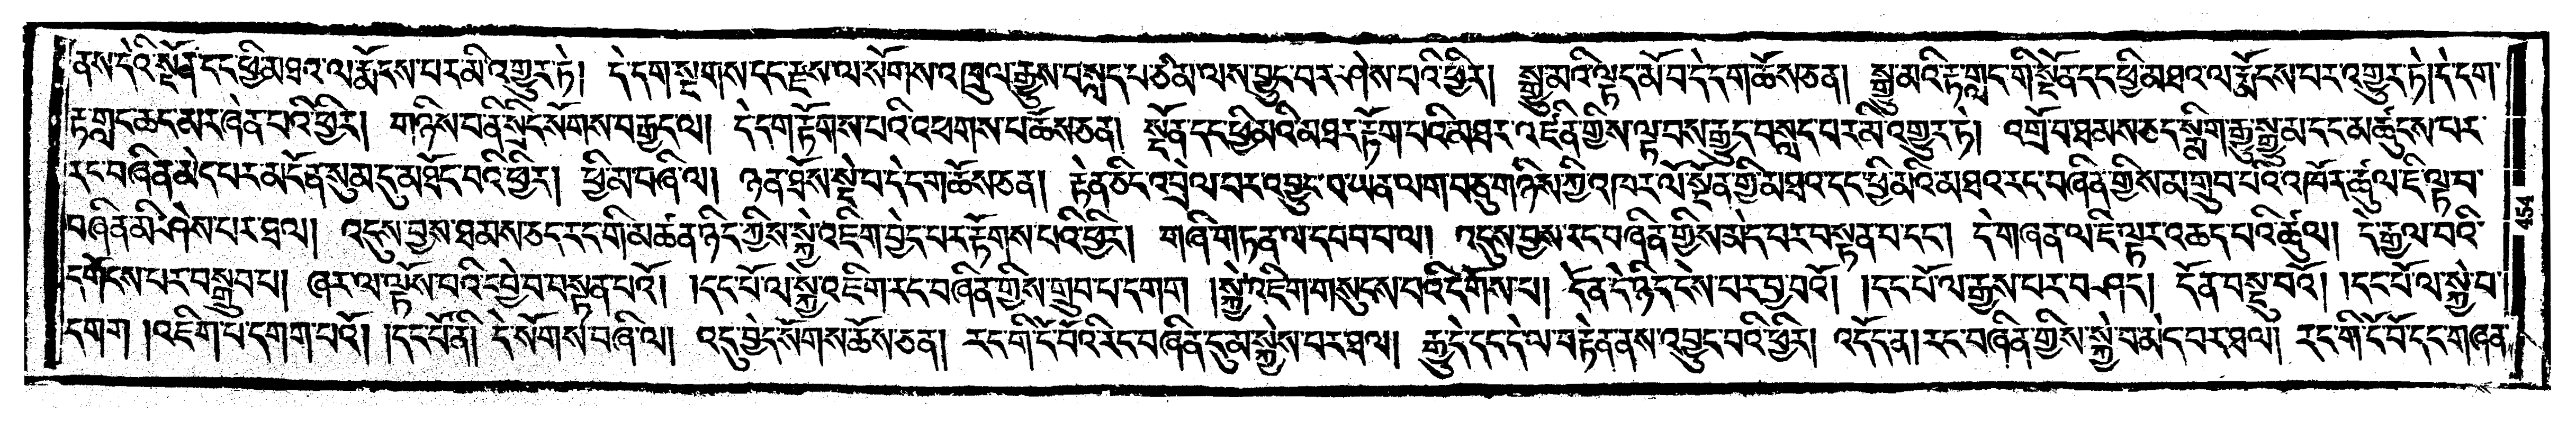ནས་དེའི་སྔོན་དང་ཕྱི་མཐའ་ལ་རྨོངས་པར་མི་འགྱུར་ཏེ། དེ་དག་སྔགས་དང་རྫས་ལ་སོགས་འཁྲུལ་རྒྱུས་བསླད་པ་ཙམ་ལས་བྱུང་བར་ཤེས་པའི་ཕྱིར། སྒྱུ་མའི་ལྟད་མོ་བ་དེ་དག་ཆོས་ཅན། སྒྱུ་མའི་རྟ་གླང་གི་སྔོན་དང་ཕྱི་མཐའ་ལ་རྨོངས་པར་འགྱུར་ཏེ། དེ་དག་
རྟ་གླང་ཆད་མར་ཞེན་པའི་ཕྱིར། གཉིས་པ་ནི་སྲིད་སོགས་བརྒྱད་ལ། དེ་དག་རྟོགས་པའི་འཕགས་པ་ཆོས་ཅན། སྔོན་དང་ཕྱི་མའི་མཐར་རྟོག་པའི་མཐར་འཛིན་གྱིས་ལྟ་བས་རྒྱུད་བསླད་པར་མི་འགྱུར་ཏེ། འགྲོ་བ་ཐམས་ཅད་སྨིག་རྒྱུ་སྒྱུ་མ་དང་མཚུངས་པར་
རང་བཞིན་མེད་པར་མངོན་སུམ་དུ་མཐོང་བའི་ཕྱིར། ཕྱི་མ་བཞི་ལ། ཉན་ཐོས་སྡེ་བ་དེ་དག་ཆོས་ཅན། རྟེན་ཅིང་འབྲེལ་པར་འབྱུང་བ་ཡན་ལག་བཅུ་གཉིས་ཀྱི་འཁོར་ལོ་སྔོན་གྱི་མཐའ་དང་ཕྱི་མའི་མཐའ་རང་བཞིན་གྱིས་མ་གྲུབ་པའི་འཁོར་ཚུལ་ཇི་ལྟ་བ་
བཞིན་མི་ཤེས་པར་ཐལ། འདུས་བྱས་ཐམས་ཅད་རང་གི་མཚན་ཉིད་ཀྱིས་སྐྱེ་འཇིག་བྱེད་པར་རྟོགས་པའི་ཕྱིར། གཞི་གཏན་ལ་དབབ་པ་ལ། འདུས་བྱས་རང་བཞིན་གྱིས་མེད་པར་བསྟན་པ་དང་། དེ་གཞན་ལ་ཇི་ལྟར་འཆད་པའི་ཚུལ། དེ་རྒྱལ་བའི་
དགོངས་པར་བསྒྲུབ་པ། ཞར་ལ་ལྟོས་པའི་དབྱེ་བ་བསྟན་པའོ། །དང་པོ་ལ་སྐྱེ་འཇིག་རང་བཞིན་གྱིས་གྲུབ་པ་དགག །སྐྱེ་འཇིག་གསུངས་པའི་དགོས་པ། དོན་དེ་ཉིད་ངེས་པར་བྱ་བའོ། །དང་པོ་ལ་རྒྱས་པར་བཤད། དོན་བསྡུ་བའོ། །དང་པོ་ལ་སྐྱེ་བ་
དགག །འཇིག་པ་དགག་པའོ། །དང་པོ་ནི། དེ་སོགས་བཞི་ལ། འདུ་བྱེད་སོགས་ཆོས་ཅན། རང་གི་ངོ་བོའི་རང་བཞིན་དུ་མ་སྐྱེས་པར་ཐལ། རྒྱུ་དེ་དང་དེ་ལ་བརྟེན་ནས་འབྱུང་བའི་ཕྱིར། འདོད་ན། རང་བཞིན་གྱིས་སྐྱེ་བ་མེད་པར་ཐལ། རང་གི་ངོ་བོ་དང་གཞན་